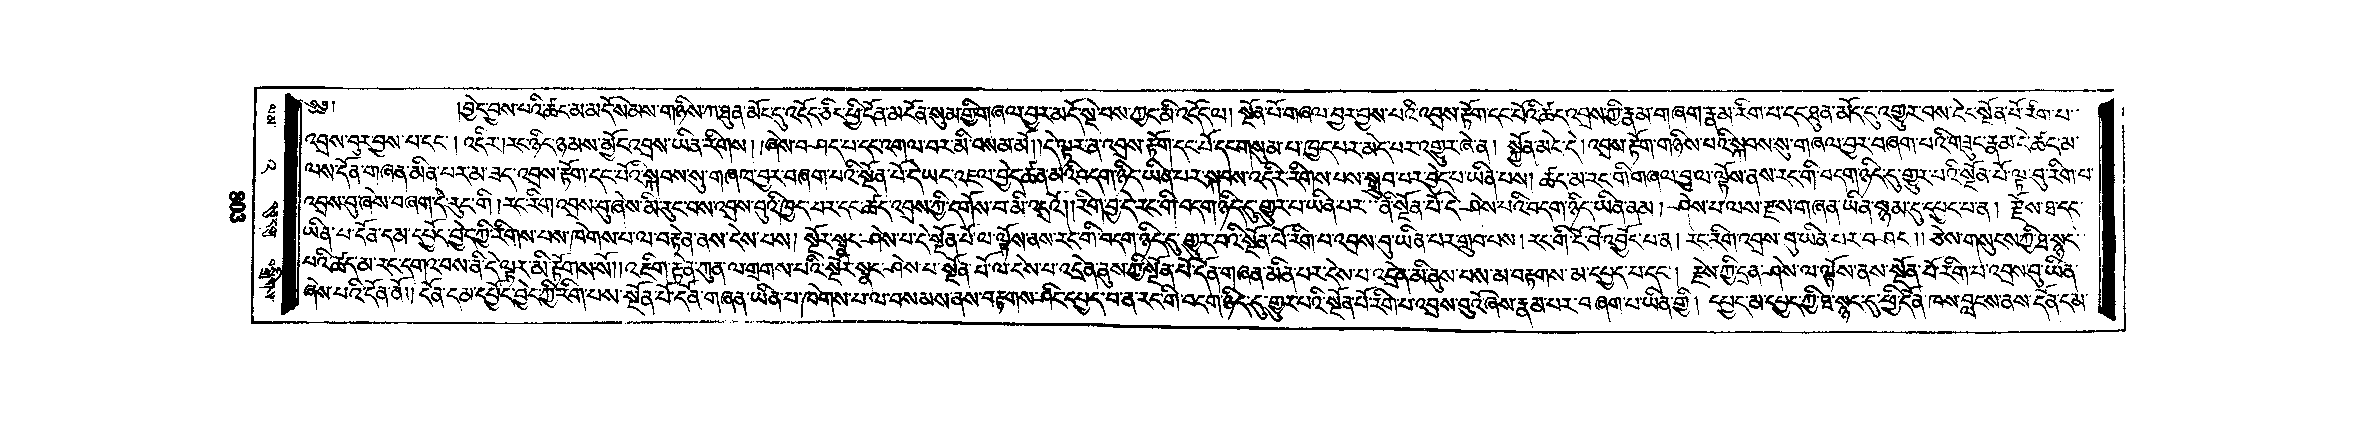༄༅། །བྱེད་བྱས་པའི་ཚད་མ་མདོ་སེམས་གཉིས་ཀ་ཐུན་མོང་དུ་འདོད་ཅིང་ཕྱི་དོན་མངོན་སུམ་གྱི་གཞལ་བྱར་མདོ་སྡེ་བས་ཀྱང་མི་འདོད་ལ། སྔོན་པོ་གཞལ་བྱར་བྱས་པའི་འབྲས་རྟོག་དང་པོའི་ཚད་འབྲས་ཀྱི་རྣམ་གཞག་རྣམ་རིག་པ་དང་ཐུན་མོང་དུ་འགྱུར་བས་དེང་སྔོན་པོ་རིག་པ་
འབྲས་བུར་བྱས་པ་དང་། འདིར། རང་ཉིད་ཉམས་མྱོང་འབྲས་ཡིན་རིགས། །ཞེས་བཤད་པ་དང་འགལ་བར་མི་བསམ་མོ། །དེ་ལྟར་ན་འབྲས་རྟོག་དང་པོ་དང་གསུམ་པ་ཁྱད་པར་མེད་པར་འགྱུར་ཞེ་ན། སྐྱོན་མེད་དེ། འབྲས་རྟོག་གཉིས་པའི་སྐབས་སུ་གཞལ་བྱར་བཞག་པའི་གཟུང་རྣམ་དེ་ཚད་མ་
ལས་དོན་གཞན་མིན་པར་མ་ཟད་འབྲས་རྟོག་དང་པོའི་སྐབས་སུ་གཞལ་བྱར་བཞག་པའི་སྔོན་པོ་དེ་ཡང་འཇལ་བྱེད་ཚན་མའི་བདག་ཉིད་ཡིན་པར་སྐབས་འདིར་རིགས་པས་སྒྲུབ་པར་བྱེད་པ་ཡིན་པས། ཚད་མ་རང་གི་གཞལ་བྱ་ལ་ལྟོས་ནས་རང་གི་བདག་ཉིད་དུ་གྱུར་པའི་སྔོན་པོ་ལྟ་བུ་རིག་པ་
འབྲས་བུ་ཞེས་བཞག་དེ་རུང་གི །རང་རིག་འབྲས་བུ་ཞེས་མི་རུང་བས་འབྲས་བུའི་ཁྱད་པར་དང་ཚད་འབྲས་ཀྱི་དགོས་པ་མི་འདྲའོ། །རིག་བྱ་དེ་རང་གི་བདག་ཉིད་དུ་གྱུར་པ་ཡིན་པར་ནི་སྔོན་པོ་དེ་ཤེས་པའི་བདག་ཉིད་ཡིན་ནམ། ཤེས་པ་ལས་རྫས་གཞན་ཡིན་སྙམ་དུ་དཔྱད་པ་ན། རྫོས་ཐ་དད་
ཡིན་པ་དོན་དམ་དཔྱོད་བྱེད་ཀྱི་རིགས་པས་ཁེགས་པ་ལ་བརྟེན་ནས་ངེས་པས། སྔོར་སྣང་ཤེས་པ་དེ་སྔོན་པོ་ལ་ལྟོས་ནས་རང་གི་བདག་ཉིད་དུ་གྱུར་པའི་སྔོན་པོ་རིག་པ་འབྲས་བུ་ཡིན་པར་གྲུབ་པས། རང་གི་ངོ་བོ་འབྱོད་པ་ན། རང་རིག་འབྲས་བུ་ཡིན་པར་བཤད། །ཅེས་གསུངས་ཀྱི་ཐ་སྙད་
པའི་ཚད་མ་རང་དགའ་བས་ནི་དེ་ལྟར་མི་རྟོགས་སོ། །འཇིག་རྟེན་ཀུན་ལ་གྲགས་པའི་སྔོར་སྣང་ཤེས་པ་སྔོན་པོ་ལ་ངེས་པ་འདྲེན་ནུས་ཀྱི་སྔོན་པོ་དོན་གཞན་མིན་པར་ངེས་པ་འདྲེན་མི་ནུས་པས་མ་བརྟགས་མ་དཔྱད་པ་དང་། རྗེས་ཀྱི་དྲན་ཤེས་ལ་ལྟོས་ནས་སྔོན་པོ་རིག་པ་འབྲས་བུ་ཡིན་
ཞེས་པའི་དོན་ནོ། །དོན་དམ་དཔྱོད་བྱེད་ཀྱི་རིག་པས་སྔོན་པོ་དོན་གཞན་ཡིན་པ་ཁེགས་པ་ལ་བསམས་ནས་བརྟགས་ཤིང་དཔྱད་པ་ན་རང་གི་བདག་ཉིད་དུ་གྱུར་པའི་སྔོན་པོ་རིག་པ་འབྲས་བུའོ་ཞེས་རྣམ་པར་བཞག་པ་ཡིན་གྱི། དཔྱད་མ་དཔྱད་ཀྱི་ཐ་སྙད་དུ་ཕྱི་དོན་ཁས་བླངས་ནས་དོན་དམ་